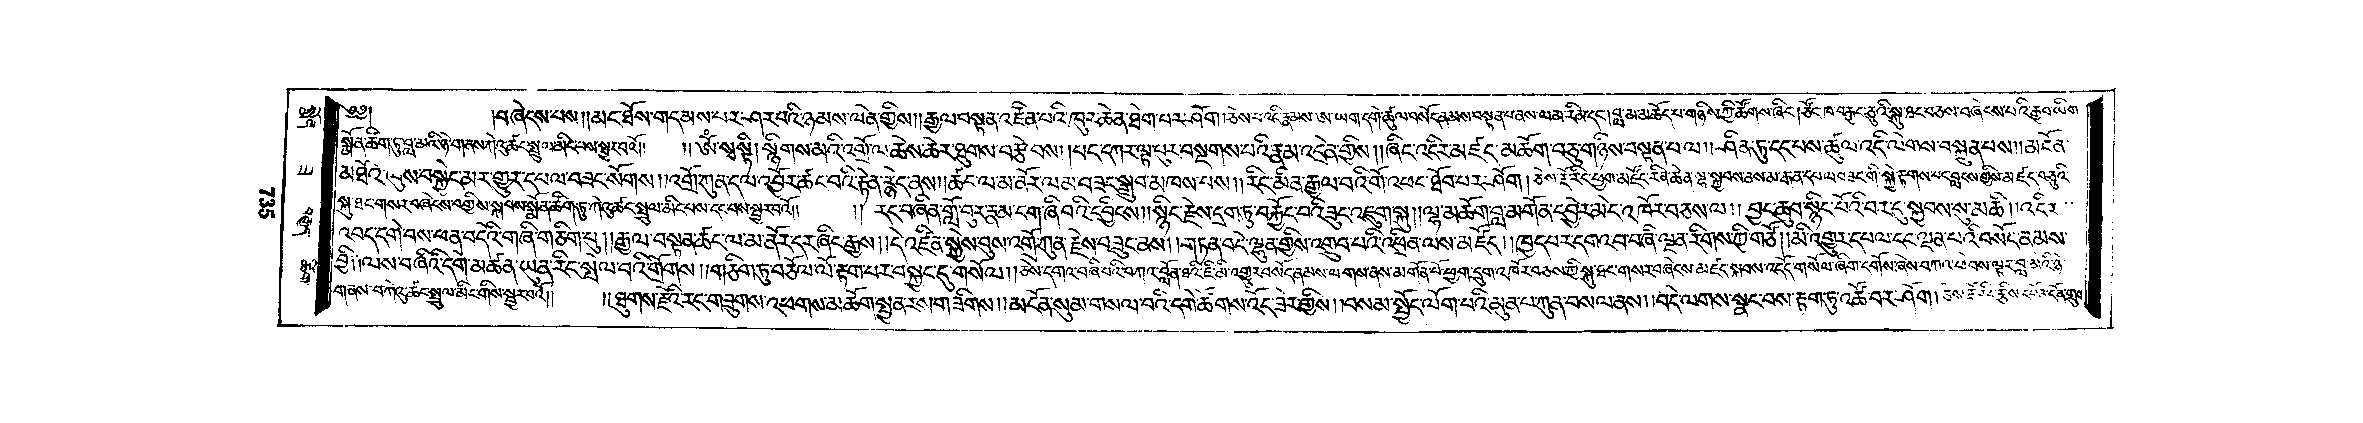༄༅། །བཞེངས་པས། །མང་ཐོས་གདམས་པར་ཤར་བའི་ཉམས་ལེན་གྱིས། །རྒྱལ་བསྟན་འཛིན་པའི་ཁུར་ཆེན་ཐེག་པར་ཤོག །ཅེས་པ་འདི་རྣམས་ཨ་ཡག་དགེ་ཚུལ་བསོད་ནམས་བསྟན་པ་ནས་ལམ་རིམ་དང་། བླ་མ་མཆོད་པ་གཉིས་ཀྱི་ཚོགས་ཞིང་། ཙོང་ཁ་བརྒྱད་ཅུའི་སྐུ་ཐང་བཅས་བཞེངས་པའི་རྒྱབ་ཡིག་
སྨོན་ཚིག་ཏུ་བླ་མའི་ཉེ་གནས་ཀེའུ་ཚང་སྤྲུལ་མིང་པས་སྦྱར་བའོ།། །།ཨོཾ་སྭ་སྟི། སྙིགས་མའི་འགྲོ་ལ་ཆེས་ཆེར་ཐུགས་བརྩེ་བས། །པད་དཀར་ལྟ་བུར་བསྔགས་པའི་རྣམ་འདྲེན་གྱིས། །ཞིང་འདིར་མཛད་མཆོག་བཅུ་གཉིས་བསྟན་པ་ལ། །ཤིན་ཏུ་དད་པས་ཚུལ་འདི་ལེགས་བསྐྲུན་པས། །མངོན་
མཐོའི་ལུས་བསྐྱེད་མར་གྱུར་དཔལ་བཟང་སོགས། །འགྲོ་ཀུན་དལ་འབྱོར་ཚང་བའི་རྟེན་རྙེད་ནས། །ཚང་ལ་མ་ནོར་ལམ་བཟང་སྒྲུབ་མཁས་པས། །རིང་མིན་རྒྱལ་བའི་གོ་འཕང་ཐོབ་པར་ཤོག །ཅེས་རྡོ་རིང་ཕྱག་མཛོད་རིན་ཆེན་ལྷ་སྐྱབས་ནས་མ་རྒན་དཔལ་བཟང་གི་སྐྱེ་རྟགས་པང་བླངས་ཀྱིས་མཛད་བཅུའི་
སྐུ་ཐང་གསར་བཞེངས་བགྱིས་སྐབས་སྨོན་ཚིག་ཏུ་ཀེའུ་ཚང་སྤྲུལ་མིང་པས་དང་བས་སྦྱར་བའོ།། །།རང་བཞིན་གློ་བུར་རྣམ་དག་ཞི་བའི་དབྱིངས། །སྙིང་རྗེས་དྲག་ཏུ་བསྐྱོད་བའི་ཟུང་འཇུག་སྐུ། །ལྷ་མཆོག་བླ་མགོན་དབྱེར་མེད་འཁོར་བཅས་ལ། །བྱང་ཆུབ་སྙིང་པོའི་བར་དུ་སྐྱབས་སུ་མཆི། །འདིར་
འབད་དགེ་བས་ཕན་བདེའི་གཞི་གཅིག་པུ། །རྒྱལ་བསྟན་ཚང་ལ་མ་ནོར་དར་ཞིང་རྒྱས། །དེ་འཛིན་སྐྱེས་བུས་འགྲོ་ཀུན་རྗེས་བཟུང་ནས། །གཏན་བདེ་ལྷུན་གྱིས་འགྲུབ་པའི་འཕྲིན་ལས་མཛོད། །ཁྱད་པར་དགའ་བ་བཞི་ལྡན་རིགས་ཀྱི་གཙོ། །མི་འགྱུར་དཔལ་དང་ལྡན་པའི་བསོད་ནམས་
བྱི། །ལས་བཞིའི་དགེ་མཚན་ཡུན་རིང་སྤེལ་བའི་གྲོགས། །གཅིག་ཏུ་བཅོལ་ལོ་རྟག་པར་བསྐྱང་དུ་གསོལ། །ཅེས་དགའ་བཞི་བའི་བཀའ་བློན་ཐའི་ཇི་མི་འགྱུར་བསོད་ནམས་ལགས་ནས་མགོན་པོ་ཕྱག་དྲུག་འཁོར་བཅས་ཀྱི་སྐུ་ཐང་གསར་བཞེངས་མཛད་སྐབས་འདོད་གསོལ་ཞིག་དགོས་ཞེས་བཀའ་ཕེབས་ལྟར་བླ་མའི་ཉེ་
གནས་བ་ཀེའུ་ཚང་སྤྲུལ་མིང་གིས་སྦྱར་བའོ།། །།ཐུགས་རྗེའི་རང་གཟུགས་འཕགས་མཆོག་སྤྱན་རས་གཟིགས། །མངོན་སུམ་གསལ་བའི་དགེ་ཚོགས་འོད་ཟེར་གྱིས། །བསམ་སྤྱོད་ལོག་པའི་མུན་པ་ཀུན་བསལ་ནས། །བདེ་ལགས་སྣང་བས་རྟག་ཏུ་འཚོ་བར་ཤོག །ཅེས་རྡོ་རིང་རྩིས་དཔོན་དོན་གྲུབ་